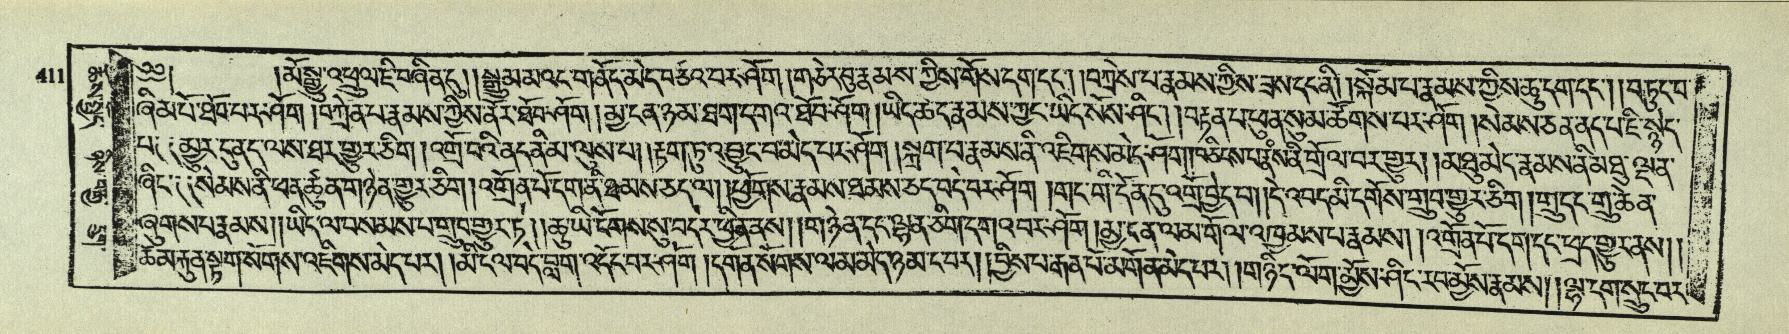༄༅། །མོ་སྒྱུ་འཕྲུལ་ཇི་བཞིན་དུ། །སྒྲུམ་མའང་གནོད་མེད་བཙའ་བར་ཤོག །གཅེར་བུ་རྣམས་ཀྱིས་གོས་དག་དང་། །བཀྲེས་པ་རྣམས་ཀྱིས་ཟས་དང་ནི། །སྐོམ་པ་རྣམས་ཀྱིས་ཆུ་དག་དང་། །བཏུང་བ་
ཞིམ་པོ་ཐོབ་པར་ཤོག །བཀྲེན་པ་རྣམས་ཀྱིས་ནོར་ཐོབ་ཤོག །མྱ་ངན་ཉམ་ཐག་དགའ་ཐོབ་ཤོག །ཡིད་ཆེད་རྣམས་ཀྱང་ཡིད་སོས་ཤིང་། །བརྟན་པ་ཕུན་སུམ་ཚོགས་པར་ཤོག །སེམས་ཅན་ནད་པ་ཇི་སྙེད་
པ༑ ༑མྱུར་དུ་ནད་ལས་ཐར་གྱུར་ཅིག །འགྲོ་བའི་ནད་ནི་མ་ལུས་པ། །རྟག་ཏུ་འབྱུང་བ་མེད་པར་ཤོག །སྐྲག་པ་རྣམས་ནི་འཇིགས་མེད་ཤོག །བཅིངས་པ་རྣམས་ནི་གྲོལ་བར་གྱུར། །མཐུ་མེད་རྣམས་ནི་མཐུ་ལྡན་
ཞིང༑ ༑སེམས་ནི་ཕན་ཚུན་གཉེན་གྱུར་ཅིག །འགྲོན་པོ་དག་ནི་ཐམས་ཅད་ལ། །ཕྱོགས་རྣམས་ཐམས་ཅད་བདེ་བར་ཤོག །གང་གི་དོན་དུ་འགྲོ་བྱེད་པ། །དེ་འབད་མི་དགོས་གྲུབ་གྱུར་ཅིག །གྲུ་དང་གྲུ་ཆེན་
ཞུགས་པ་རྣམས། །ཡིད་ལ་བསམས་པ་གྲུབ་གྱུར་ཏེ། །ཆུ་ཡི་ངོགས་སུ་བདེར་ཕྱིན་ནས། །གཉེན་དང་ལྷན་ཅིག་དགའ་བར་ཤོག །མྱ་ངན་ལམ་གོལ་འཁྱམས་པ་རྣམས། །འགྲོན་པོ་དག་དང་ཕྲད་གྱུར་ནས། །
ཆོམ་རྐུན་སྟག་སོགས་འཇིགས་མེད་པར། །མི་ངལ་བདེ་བླག་འདོང་བར་ཤོག །དགོན་སོགས་ལམ་མེད་ཉམ་ང་བར། །བྱིས་པ་རྒན་པོ་མགོན་མེད་པར། །གཉིད་ལོག་མྱོས་ཤིང་རབ་མྱོས་རྣམས། །ལྷ་དག་སྲུང་བར་